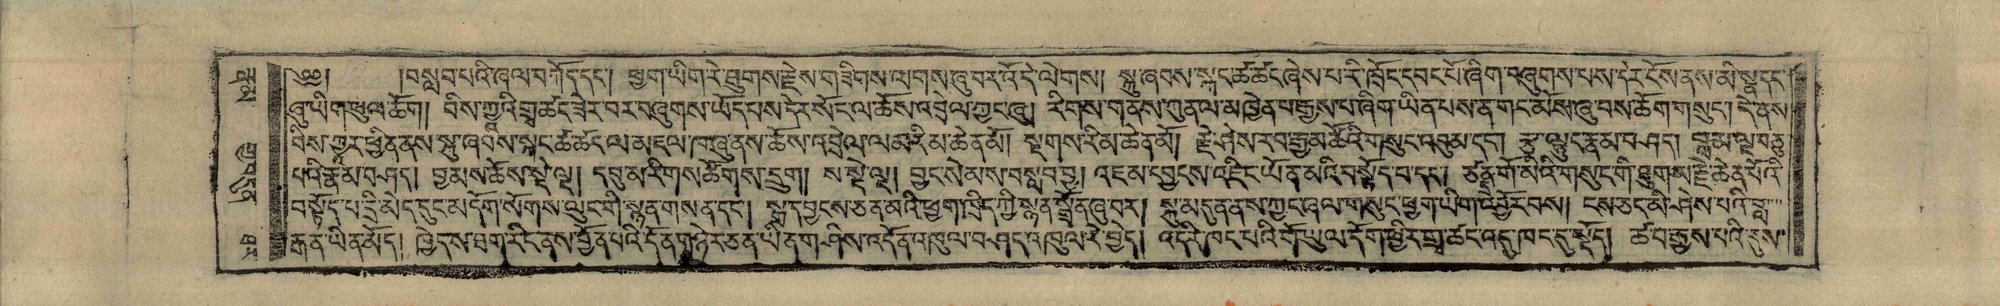༄༅། །བསླབ་པའི་ཞལ་བཀོད་དང་། ཕྱག་ཡིག་རེ་ཐུགས་རྗེས་གཟིགས་ལགས་ཞུ་བར་འོ་དེ་ལེགས། སྐུ་ཞབས་སྐང་ཚ་ཚང་ཞེས་པ་རི་ཁྲོད་དབང་པོ་ཞིག་བཞུགས་པས་དེར་ངོས་ནས་མི་སྣ་དང་
ཞུ་ཡིག་ཕུལ་ཆོག །བིས་ཀྱཱའི་གྲྭ་ཚང་ཟེར་བར་བཞུགས་ཡོད་པས་དེར་སོང་ལ་ཆོས་འབྲེལ་ཀྱང་ཞུ། རིགས་གནས་ཀུན་ལ་མཁྱེན་པ་རྒྱས་པ་ཞིག་ཡིན་པས་ན་གང་མོས་ཞུ་བས་ཆོག་གསུང་། དེ་ནས་
བིས་ཀྱཱར་ཕྱིན་ནས་སྐུ་ཞབས་སྐང་ཚ་ཚང་ལ་མཇལ་ཁ་ཞུ་ནས་ཆོས་འབྲེལ་ལམ་རིམ་ཆེན་མོ། སྔགས་རིམ་ཆེན་མོ། རྗེ་ཤེས་རབ་རྒྱ་མཚོའི་གསུང་འབུམ་དང་། རྩ་ལྟུང་རྣམ་བཤད། བླ་མ་ལྔ་བཅུ་
པའི་རྣམ་བཤད། བྱམས་ཆོས་སྡེ་ལྔ། དབུ་མ་རིགས་ཚོགས་དྲུག །ས་སྡེ་ལྔ། བྱང་སེམས་བསླབ་བྱ། འཇམ་དབྱངས་འཇིང་ཡོན་མའི་བསྟོད་པ་དང་། ཙནྡྲ་གོ་མིའི་གསུང་གི་ཐུགས་རྗེ་ཆེན་པོའི་
བསྟོད་པ་དྲི་མེད་དུང་མདོག་སོགས་ལུང་གི་སྙན་གསན་དང་། སྒྲ་དབྱངས་ཅན་མའི་ཕྱག་ཁྲིད་ཀྱི་སྙན་སྒྲོན་ཞུ་བར། སྐུ་མདུན་ནས་ཀྱང་ཞལ་གསུང་ཕྱག་ཡིག་འབྱོར་བས། ངས་ཅང་མི་ཤེས་པའི་བླ་
རྒན་ཡིན་མོད། ཁྱེད་ས་ཐག་རིང་ནས་བྱོན་པའི་དོན་གཉེར་ཅན་ཡིན་གཤིས་འདོན་འཁུལ་བཤད་འཁུལ་རེ་བྱེད། འདིར་ཁང་པའི་གོ་ཡུལ་དོག་ཕྱིར་གྲྭ་ཚང་འདུ་ཁང་དུ་སྡོད། ཚ་བ་རྒྱས་པའི་དུས་